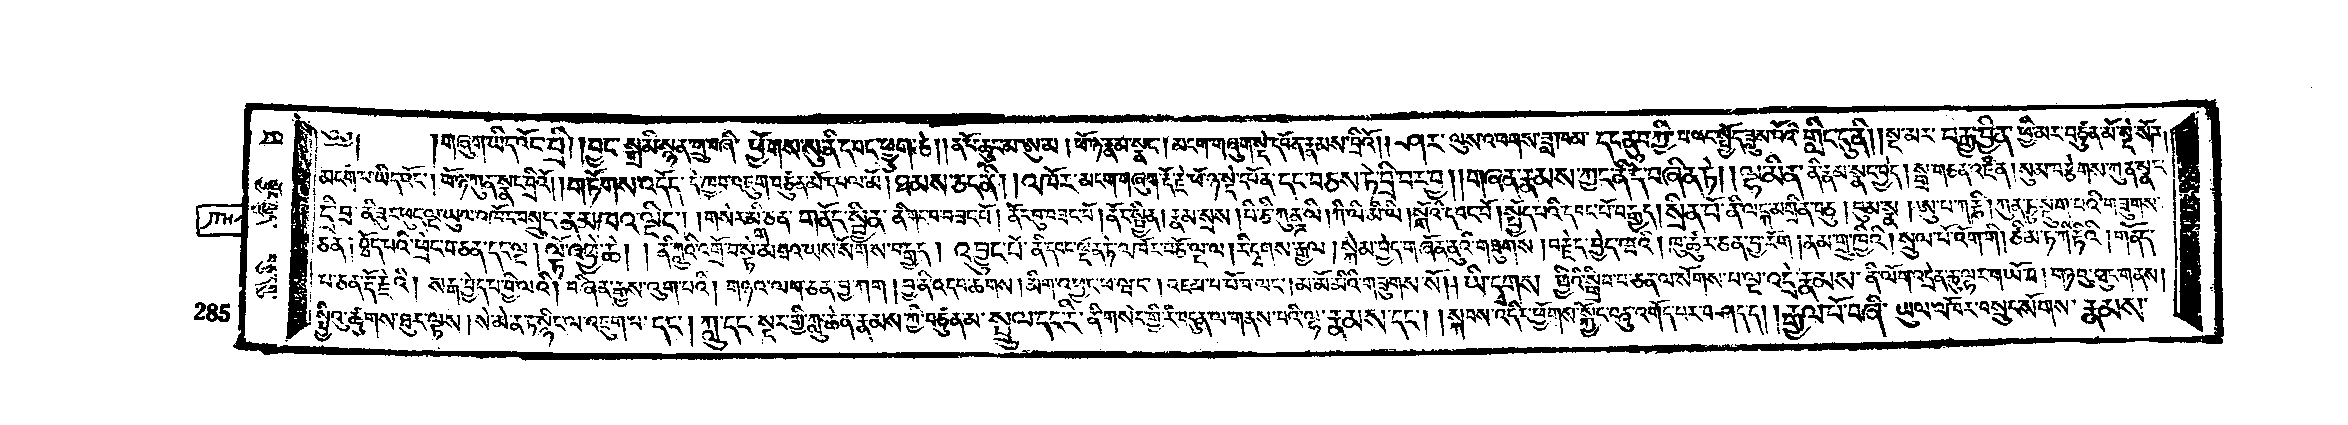༄༅། །གཞུག་ཡིད་འོང་བྲི། །བྱང་སྒྲ་མི་སྙན་གྲུ་བཞི་ཕྱོགས་སུ་ནི་དབང་ཕྱུག་ཆེ། །ན་པོ་ཆུང་མ་ཨུ་མ། ཕོ་ཉ་རྣམ་སྣང་། མངག་གཞུག་སྡེ་དཔོན་རྣམས་བྲིའོ། །ཤར་ལུས་འཕགས་ཟླ་ཁམ་དང་ནུབ་ཀྱི་བ་ལང་སྤྱོད་ཟླུམ་པོའི་གླིང་དུ་ནི། །སྔ་མར་བརྒྱ་བྱིན་ཕྱི་མར་བཙུན་མོ་སྡེ་སོགས།
མངག་པ་ཡིད་འོང་། ཕོ་ཉ་ཀུན་སྣང་བྲིའོ། །གཏོགས་འདོད་དེ་ཁྱབ་འཇུག་བཙུན་མོ་དཔལ་མོ། ཐམས་ཅད་ནི། །འཁོར་མངག་གཞུག་རྡོ་རྗེ་ཕོ་ཉ་སྡེ་དཔོན་དང་བཅས་ཏེ་བྲི་བར་བྱ། །གཞན་རྣམས་ཀྱང་ནི་དེ་བཞིན་ཏེ། །ལྷ་མིན་ནི་རྣམ་སྣང་བྱེད། སྒྲ་གཅན་འཛིན། སུམ་བརྩེགས་ཀུན་སྣང་
དྲི་ཟ་ནི་ཟུར་ཕུད་ལྔ་ཡུལ་འཁོར་བསྲུང་ནམ་མཁའ་ལྡིང་། །གསེར་མིག་ཅན་གནོད་སྦྱིན་ནི་གང་བ་བཟང་པོ། ནོར་བུ་བཟང་པོ། ནོར་སྦྱིན། རྣམ་སྲས། པེ་ཙི་ཀུནྜ་ལི། ཀི་ལི་མི་ལི། སྒོའི་དབང་པོ། སྤྱོད་པའི་དབང་པོ་བརྒྱད། །སྲིན་པོ་ནི་ལངྐ་མགྲིན་བཅུ། བུམ་སྣ། ཨུ་པ་ཀརྞི། ཀུན་ཏུ་སྡུག་པའི་གཟུགས་
ཅན། ཐོད་པའི་ཕྲེང་བ་ཅན་དང་ལྔ། ལྟོ་འཕྱེ་ཆེ། །ནི་ཀླུའི་འགྲོ་བ་སྟེ་མཐའ་ཡས་སོགས་བརྒྱད། འབྱུང་པོ་ནི་དབང་ལྡན་ཏེ་འཁོར་བཅོ་ལྔ་ལ། རི་དྭགས་རྒྱལ། སྐེམ་བྱེད་གཞོན་ནུའི་གཟུགས། བརྗེད་བྱེད་ཝའི། ཁུ་ཚུར་ཅན་བྱ་རོག །ནམ་གྲུ་ཁྱིའི། སྲུལ་པོ་འོག་གི །ཙི་མ་ཏ་ཀི་རྟིའི། གནོད་
པ་ཅན་རྡོ་རྗེའི། སརྒ་བྱེད་པ་བྱི་ལའི། བཞིན་རྒྱས་འུག་པའི། གཉའ་ལག་ཅན་བྱ་ཀག །བྱ་ནི་འདབ་ཆགས། མིག་འཕྱང་ཕ་ཝང་། འཇམ་པ་པོ་བ་ལང་། མ་མོ་མིའི་གཟུགས་སོ། །ཡི་དྭགས་ཕྱིའི་སྒྲིབ་པ་ཅན་ལ་སོགས་པ་ལྔ་འདྲེ་རྣམས་ནི་ལོག་འདྲེན་ཆུ་ལྟར་གཡོ་བ། གཉའུ་ཐུང་གནས།
སྤྱིའུ་ཚུགས་ཐུར་ལྟས། སེ་མེ་ན་ཏ་སྙིང་ལ་འཇུག་པ་དང་། ཀླུ་དང་སྔར་གྱི་ཀླུ་ཆེན་རྣམས་ཀྱི་བཙུན་མོ་སྤྲུལ་དང་རི་ནི་གསེར་གྱི་རི་བདུན་ལ་གནས་པའི་ལྷ་རྣམས་དང་། །སྐབས་འདིར་ཕྱོགས་སྐྱོང་བཅུ་འགོད་པར་བཤད་དོ། །རྒྱལ་པོ་བཞི་ཡུལ་འཁོར་བསྲུང་སོགས་རྣམས་